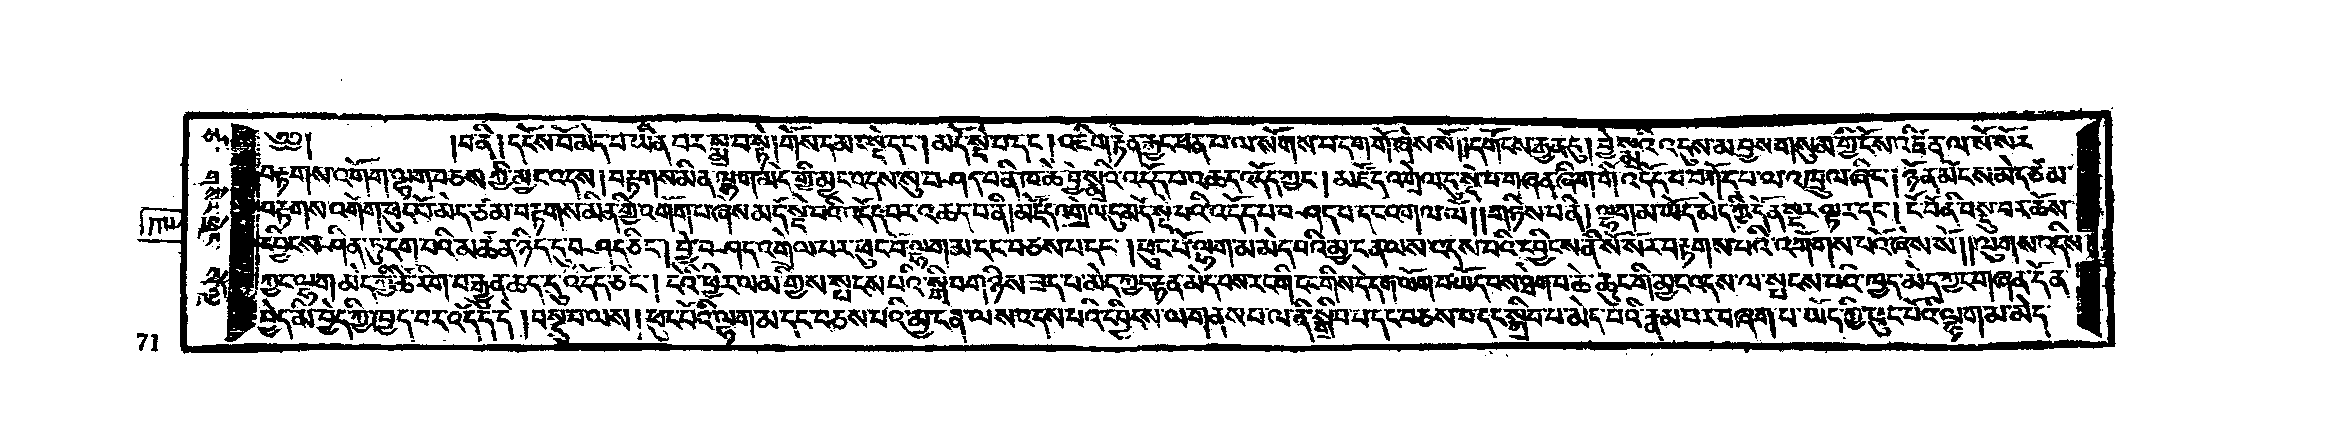༄༅། །བ་ནི། དངོས་པོ་མེད་པ་ཡིན་པར་སྨྲ་བ་སྟེ། གོས་དམར་སྡེ་དང་། མདོ་སྡེ་པ་དང་། འཇིག་རྟེན་རྒྱང་ཕན་པ་ལ་སོགས་པ་དག་གོ་ཞེས་སོ། །དགོངས་རྒྱན་དུ། བྱེ་སྨྲའི་འདུས་མ་བྱས་གསུམ་གྱི་ངོས་འཛིན་ལ་སོ་སོར་
བརྟགས་འགོག་ལྷག་བཅས་ཀྱི་མྱང་འདས། བརྟགས་མིན་ལྷག་མེད་ཀྱི་མྱང་འདས་སུ་བཤད་པ་ནི་ཁ་ཆེ་བྱེ་སྨྲའི་འདོད་པ་འཆད་འདོད་ཀྱང་། མཛོད་འགྲེལ་དུ་སྡེ་པ་གཞན་ཞིག་གི་འདོད་པ་བཀོད་པ་ལ་འཁྲུལ་ཞིང་། ཉོན་མོངས་མེད་ཙམ་
བརྟགས་འགོག་ཕུང་པོ་མེད་ཙམ་བརྟགས་མིན་གྱི་འགོག་པ་ཞེས་མདོ་སྡེ་པའི་འདོད་པར་འཆད་པ་ནི། མཛོད་འགྲེལ་དུ་མདོ་སྡེ་པའི་འདོད་པ་བཤད་པ་དང་འགལ་ལོ། །གཉིས་པ་ནི། ལྷག་མ་ཡོད་མེད་ཀྱི་དོན་སྔར་ལྟར་དང་། ངོ་བོ་ནི་བསྡུ་བར་ཆོས་
དབྱིངས་ཤིན་ཏུ་དག་པའི་མཚན་ཉིད་དུ་བཤད་ཅིང་། བྱེ་བཤད་འགྲེལ་པར་ཕུང་པོ་ལྷག་མ་དང་བཅས་པ་དང་། ཕུང་པོ་ལྷག་མ་མེད་པའི་མྱ་ངན་ལས་འདས་པའི་དབྱིངས་ནི་སོ་སོར་བརྟགས་པའི་འགོགས་པའོ་ཞེས་སོ། །ལུགས་འདིས་
ཀྱང་ལྷག་མེད་ཀྱི་ཚེ་རིག་པ་རྒྱུན་ཆད་དུ་འདོད་ཅིང་། དེའི་ཕྱིར་ལམ་གྱིས་སྤངས་པའི་སྒྲིབ་གཉིས་ཟད་པ་མེད་ཀྱང་རྟེན་མེད་པས་རང་གི་ངང་གིས་དེ་དག་ལོག་པ་ཡོད་པས་ཐེག་པ་ཆེ་ཆུང་གི་མྱང་འདས་ལ་སྤངས་པའི་ཁྱད་མེད་ཀྱང་གཞན་དོན་
བྱེད་མི་བྱེད་ཀྱི་ཁྱད་པར་འདོད་དེ། བསྡུ་བ་ལས། ཕུང་པོའི་ལྷག་མ་དང་བཅས་པའི་མྱ་ངན་ལས་འདས་པའི་དབྱིངས་ལ་གནས་པ་ལ་ནི་སྒྲིབ་པ་དང་བཅས་པ་དང་སྒྲིབ་པ་མེད་པའི་རྣམ་པར་བཞག་པ་ཡོད་ཀྱི་ཕུང་པོའི་ལྷག་མ་མེད་